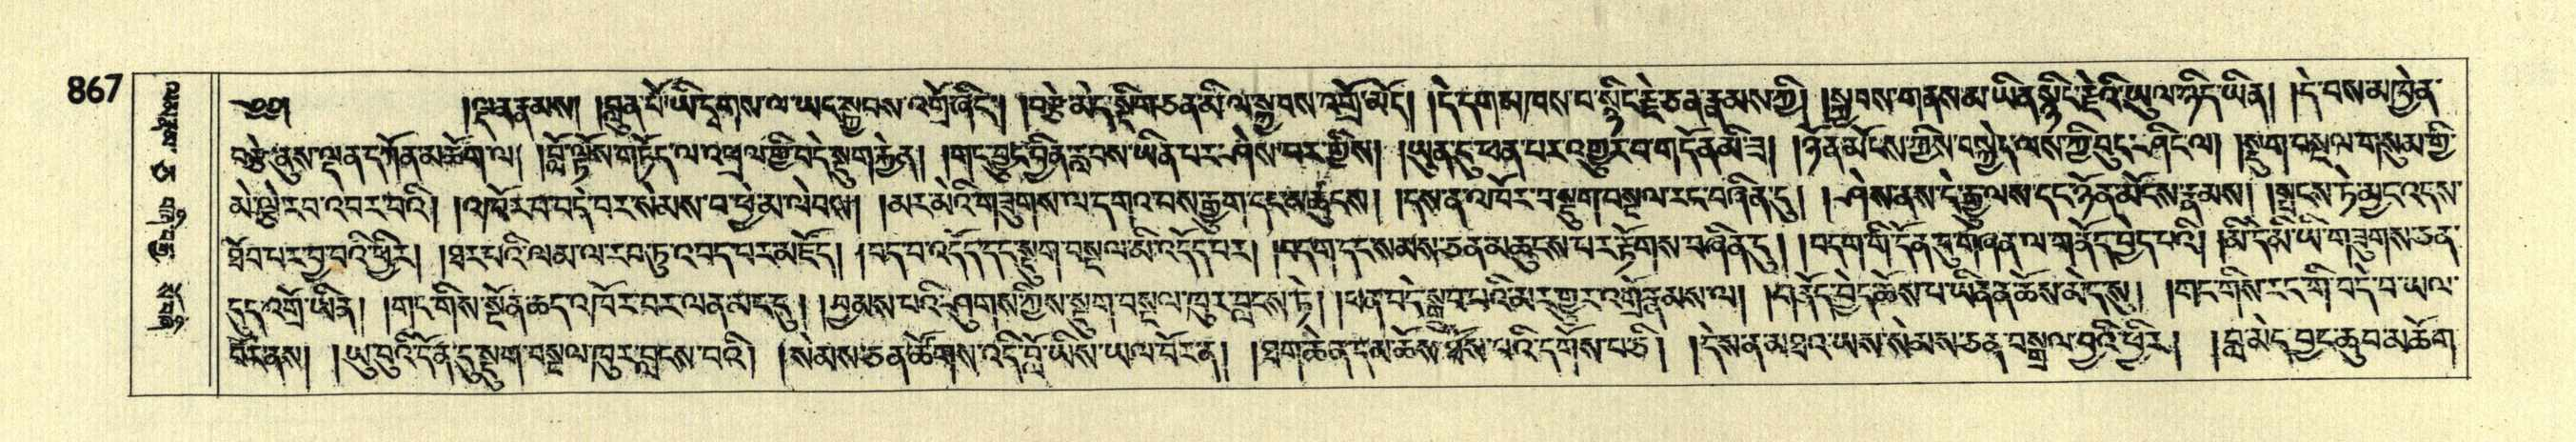༄༅། །ལྡན་རྣམས། །བླུན་པོ་ཡི་དྭགས་ལ་ཡང་སྐྱབས་འགྲོ་ཞིང་། །བརྩེ་མེད་སྡིག་ཅན་མི་ལ་སྐྱབས་འགྲོ་མོད། །དེ་དག་མཁས་བ་སྙིང་རྗེ་ཅན་རྣམས་ཀྱི། །སྐྱབས་གནས་མ་ཡིན་སྙིང་རྗེའི་ཡུལ་ཉིད་ཡིན། །དེ་བས་མཁྱེན་
བརྩེ་ནུས་ལྡན་དཀོན་མཆོག་ལ། །བློ་ལྟོས་གཏོད་ལ་འཕྲལ་གྱི་བདེ་སྡུག་རྐྱེན། །གང་བྱུང་བྱིན་རླབས་ཡིན་པར་ཤེས་བར་གྱིས། །ཡུན་དུ་ཕན་པར་འགྱུར་བ་གདོན་མི་ཟ། །ཉོན་མོངས་ཀྱིས་བསྐྱེད་ལས་ཀྱི་བུང་ཤིང་ལ། །སྡུག་བསྔལ་གསུམ་གྱི་
མེ་ལྕེ་རབ་འབར་བའི། །འཁོར་བ་བདེ་བར་སེམས་པ་ཕྱེ་མ་ལེབས། །མར་མེའི་གཟུགས་ལ་དགའ་བས་རྒྱུག་དང་མཚུངས། །དས་ན་འཁོར་བ་སྡུག་བསྔལ་རང་བཞིན་དུ། །ཤེས་ནས་དེ་རྒྱུ་ལས་དང་ཉོན་མོངས་རྣམས། །སྤངས་ཏེ་མྱང་འདས་
ཐོབ་པར་བྱ་བའི་ཕྱིར། །ཐར་པའི་ལམ་ལ་རབ་ཏུ་འབད་པར་མཛོད། །བད་བ་འདོད་དང་སྡུག་བསྔལ་མི་འདོད་པར། །བདག་དང་སེམས་ཅན་མཚུངས་པར་རྟོགས་བཞིན་དུ། །བདག་གི་དོན་དུ་གཞན་ལ་གནོད་བྱེད་པའི། །མི་དེ་མི་ཡི་གཟུགས་ཅན་
དུད་འགྲོ་ཡིན། །གང་གིས་སྔོན་ཆད་འཁོར་བར་ལན་མང་དུ། །བྱམས་པའི་ཤུགས་ཀྱིས་སྡུག་བསྔལ་ཁུར་བླངས་ཏེ། །ཕན་བདེ་སྒྲུབ་པའི་མར་གྱུར་འགྲོ་རྣམས་ལ། །གནོད་བྱེད་ཆོས་པ་ཡིན་ན་ཆོས་མེད་སུ། །གང་གིས་རང་གི་བདེ་བ་ཡལ་
བོར་ནས། །ཡུ་བུའི་དོན་དུ་སྡུག་བསྔལ་ཁུར་བླངས་བའི། །སེམས་ཅན་ཚོགས་འདི་བློ་ཡིས་ཡལ་བོར་ན། །ཐག་ཆེན་དམ་ཆོས་ཐོས་པའི་དགོས་པ་ཅི། །དེས་ན་མཐའ་ཡས་སེམས་ཅན་བསྒྲལ་བྱའི་ཕྱིར། །བླ་མེད་བྱང་ཆུབ་མཆོག་